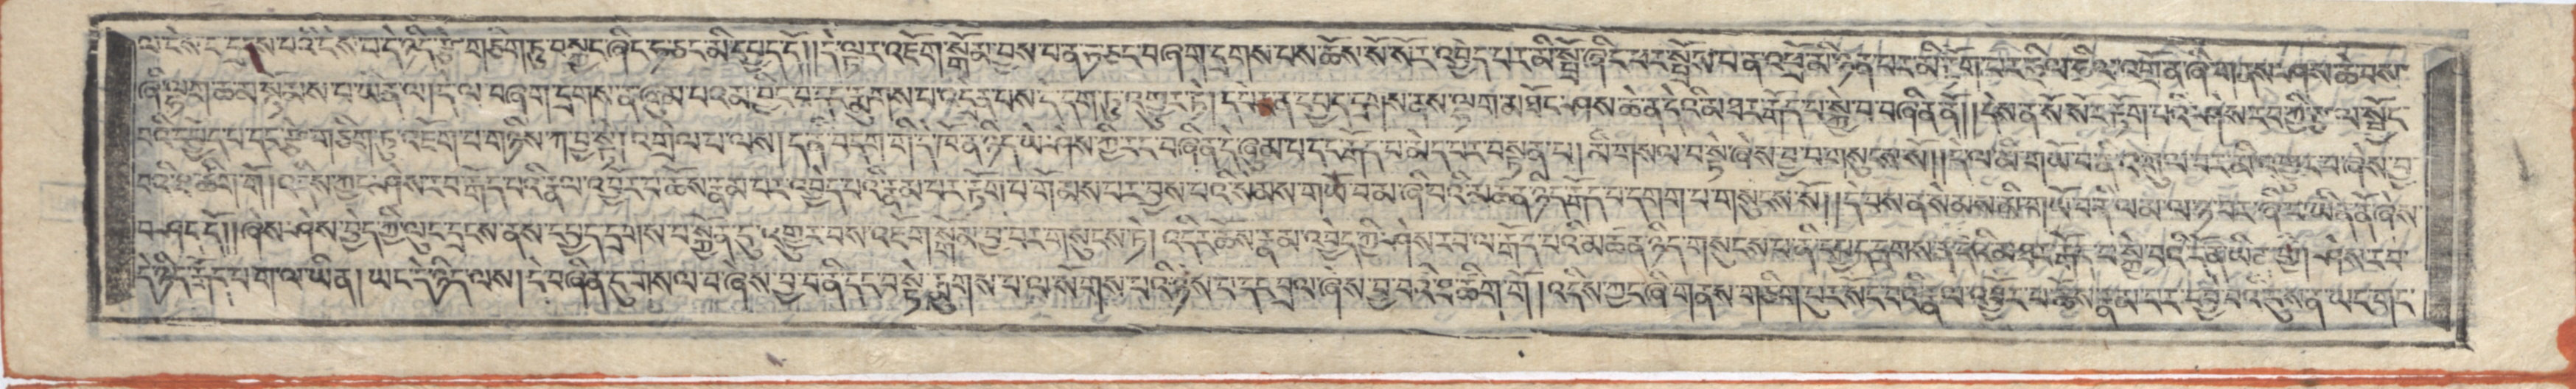ལ་ངེས་པ་དྲངས་པའི་ངེས་པ་དེ་ཉིད་རྩེ་གཅིག་ཏུ་བསྐྱང་ཞིང་ཧ་ཅང་མི་དཔྱད་དོ། །དེ་ལྟར་འཇོག་སྒོམ་བྱས་པ་ན་ཧ་ཅང་བཞག་དྲགས་པས་ཆོས་སོ་སོར་འབྱེད་པར་མི་སྤྲོ་ཞིང་ཕར་སྤྲོས་པ་ན་འཕྲོ་མི་ཉན་པར་མི་རྟོག་པར་ཧྲིལ་ཧྲིལ་འགྲོ་ན་ཞི་གནས་ཤས་ཆེ་བས་
ཞི་ལྷག་ཆ་མ་སྙོམས་པ་ཡིན་ལ། དེ་ལ་བཞག་དྲགས་ན་ཞུམ་པའམ་བྱིང་བ་དང་རྨུགས་པ་འདྲེན་པས་དེ་དག་ཏུ་འགྱུར་ཏེ། དཔེར་ན་དཔྱད་དྲགས་ནས་ལྷག་མཐོང་ཤས་ཆེ་ན་དེའི་མཐར་རྒོད་པ་སྐྱེ་བ་བཞིན་ནོ། །དེས་ན་སོ་སོར་རྟོག་པའི་ཤེས་རབ་ཀྱི་རྩ་ལ་སྦྱོང་
བའི་དཔྱོད་པ་དང་རྩེ་གཅིག་ཏུ་འཇོག་པ་གཉིས་ཀ་བྱ་སྟེ། འགྲེལ་པ་ལས། ད་ནི་བདག་གི་དེ་ཁོ་ན་ཉིད་ཡེ་ཤེས་ཀྱི་རང་བཞིན་དེ་ཞུམ་པ་དང་རྒོད་པ་མེད་པར་བསྟན་པ། མི་གསལ་བ་སྟེ་ཞེས་བྱ་བ་གསུངས་སོ། །དེ་ལ་མི་གཡོ་བ་ནི་འགུལ་བར་མི་འགྱུར་བ་ཞེས་བྱ་
བའི་ཐ་ཚིག་གོ །འདིས་ཀྱང་ཤེས་རབ་རྒོད་པའི་རྣལ་འབྱོར་པ་ཆོས་རྣམ་པར་འབྱེད་པའི་རྣམ་པར་རྟོག་པ་གོམས་པར་བྱས་པའི་སེམས་གཡོ་བ་མ་ཞི་བའི་མཚན་ཉིད་རྒོད་པ་དགག་པ་གསུངས་སོ། །དེ་བས་ན་སེམས་མི་གཡོ་བ་ནི་ལམ་ལ་ཉ་བར་ཞི་པ་ཡིན་ནོ་ཞེས་
བཤད་དོ། །ཞེས་ཤེས་བྱེད་ཀྱི་ལུང་དྲངས་ནས་དཔྱད་དྲགས་པ་སྐྱོན་དུ་འགྱུར་བས་འཇོག་སྒོམ་བྱ་བར་གསུངས་ཏེ། འདིར་ཆོས་རྣམ་འབྱེད་ཀྱི་ཤེས་རབ་ལ་རྒོད་པའི་མཚན་ཉིད་གསུངས་པ་ནི་དཔྱད་དྲགས་ན་དེའི་མཐར་རྒོད་པ་སྐྱེ་བའི་དོན་ཡིན་གྱི། ཤེས་རབ་
དེ་ཉིད་རྒོད་པ་ག་ལ་ཡིན། ཡང་དེ་ཉིད་ལས། དེ་བཞིན་དུ་གསལ་བ་ཞེས་བྱ་བ་ནི་དང་བ་སྟེ་རྨུགས་པ་ལ་སོགས་པའི་ཉེས་པ་དང་བྲལ་ཞེས་བྱ་བའི་ཐ་ཚིག་གོ །འདིས་ཀྱང་ཞི་གནས་གཅིག་པུར་སོང་བའི་རྣལ་འབྱོར་པ་ཆོས་རྣམ་པར་དབྱེ་བའི་དུས་ན་ཡང་གང་